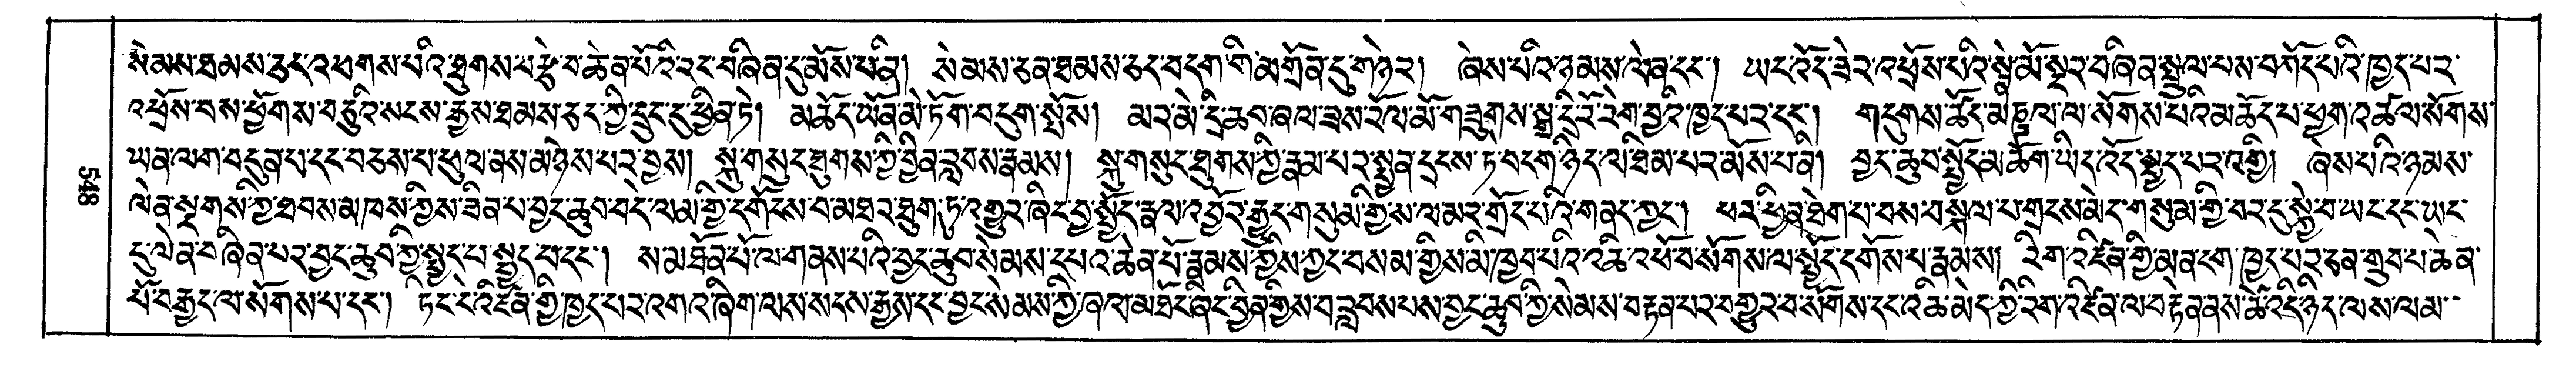སེམས་ཐམས་ཅད་འཕགས་པའི་ཐུགས་བརྩེ་བ་ཆེན་པོའི་རང་བཞིན་དུ་མོས་པ་ནི། སེམས་ཅན་ཐམས་ཅད་བདག་གི་མགྲོན་དུ་གཉེར། ཞེས་པའི་ཉམས་ལེན་དང་། ཡང་འོད་ཟེར་འཕྲོས་པའི་སྣེ་མོ་སྔར་བཞིན་སྤྲུལ་པས་བཀོད་པའི་ཁྱད་པར་
འཕྲོས་པས་ཕྱོགས་བཅུའི་སངས་རྒྱས་ཐམས་ཅད་ཀྱི་དྲུང་དུ་ཕྱིན་ཏེ། མཆོད་ཡོན་མེ་ཏོག་བདུག་སྤོས། མར་མེ་དྲི་ཆབ་ཞལ་ཟས་རོལ་མོ་གཟུགས་སྒྲ་དྲི་རོ་རེག་བྱའི་ཁྱད་པར་དང་། གདུགས་ཚོད་མཎྜལ་ལ་སོགས་པའི་མཆོད་པ་ཕྱག་འཚལ་སོགས་
ཡན་ལག་བདུན་པ་དང་བཅས་པ་ཕུལ་ནས་མཉེས་པར་བྱས། སྐུ་གསུང་ཐུགས་ཀྱི་བྱིན་རླབས་རྣམས། སྐུ་གསུངས་ཐུགས་ཀྱི་རྣམ་པར་སྤྱན་དྲངས་ཏེ་བདག་ཉིད་ལ་ཐིམ་པར་མོས་པ་ནི། བྱང་ཆུབ་སྤྱོད་མཆོག་ཡིད་འོང་སྤྱད་པར་བགྱི། ཞེས་པའི་ཉམས་
ལེན་སྔགས་ཀྱི་ཐབས་མཁས་ཀྱིས་ཟིན་པ་བྱང་ཆུབ་བདེ་ལམ་གྱི་དགོངས་པ་མཐར་ཐུག་ཏུ་འགྱུར་ཞིང་བྱ་སྤྱོད་རྣལ་འབྱོར་རྒྱུད་གསུམ་གྱིས་ལམ་བགྲོད་པའི་གནད་ཀྱང་། ཕར་ཕྱིན་ཐེག་པ་བས་བསྐལ་པ་གྲངས་མེད་གསུམ་གྱི་བར་དུ་སྐྱེ་བ་ཡང་དང་ཡང་
དུ་ལེན་བཞིན་བར་བྱང་ཆུབ་ཀྱི་སྤྱད་པ་སྤྱོད་པ་དང་། ས་མཐོན་པོ་ལ་གནས་པའི་བྱང་ཆུབ་སེམས་དཔའ་ཆེན་པོ་རྣམས་ཀྱིས་ཀྱང་བསམ་གྱིས་མི་ཁྱབ་པའི་འཆི་འཕོ་བ་སོགས་ལ་སྤྱོད་དགོས་པ་རྣམས། རིག་འཛིན་གྱི་མན་ངག་ཁྱད་པར་ཅན་གྲུབ་པ་ཆེན་
པོ་བརྒྱད་ལ་སོགས་པ་དང་། ཏིང་ངེ་འཛིན་གྱི་ཁྱད་པར་འགའ་ཞིག་ལས་སངས་རྒྱས་དང་བྱང་སེམས་ཀྱི་ཞལ་མཐོང་ཞིང་བྱིན་གྱིས་བརླབས་པས་བྱང་ཆུབ་ཀྱི་སེམས་བརྟན་པར་འགྱུར་བ་སོགས་དང་འཆི་མེད་ཀྱི་རིག་འཛིན་ལ་བརྟེན་ནས་ཚེ་འདི་ཉིད་ལ་ས་ལམ་